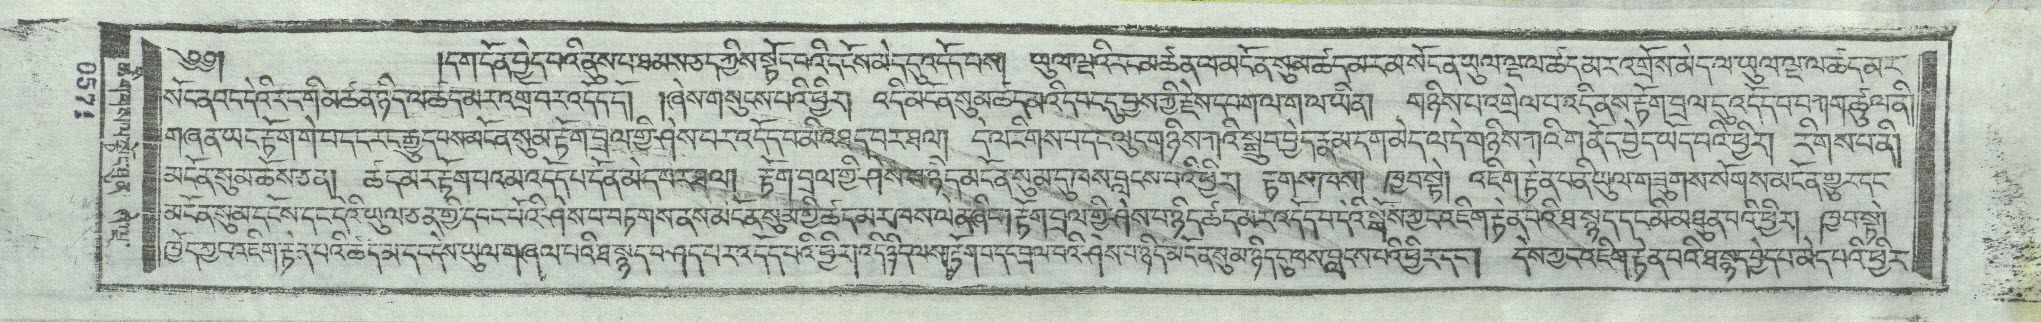༄༅། །དག་དོན་བྱེད་པའི་ནུས་པ་ཐམས་ཅད་ཀྱིས་སྟོང་པའི་དངོས་མེད་དུ་འདོད་པས། ཡུལ་ལྔའི་རང་མཚན་ལ་མངོན་སུམ་ཚད་མར་མ་སོང་ན་ཡུལ་ལྔ་ལ་ཚད་མར་འགྲོ་ས་མེད་ལ་ཡུལ་ལྔ་ལ་ཚད་མར་
སོང་ནའང་དེའི་རང་གི་མཚན་ཉིད་ལ་ཚད་མར་འགྲོ་བར་འདོད་དོ། །ཞེས་གསུངས་པའི་ཕྱིར། འདི་མངོན་སུམ་ཚད་མའི་དབང་དུ་བྱས་ཀྱི་རྗེས་དཔག་ལ་ག་ལ་ཡིན། གཉིས་པ་འགྲེལ་པ་འདི་ནས་རྟོག་བྲལ་དུ་འདོད་པ་བཀག་ཚུལ་ནི།
གཞན་ཡང་རྟོག་གེ་བ་དང་རང་རྒྱུད་པས་མངོན་སུམ་རྟོག་བྲལ་གྱི་ཤེས་པར་འདོད་པ་མི་འཐད་པར་ཐལ། དེ་ལ་རིགས་པ་དང་ལུང་གཉིས་ཀའི་སྒྲུབ་བྱེད་རྣམ་དག་མེད་ལ་དེ་གཉིས་ཀའི་གནོད་བྱེད་ཡོད་པའི་ཕྱིར། རིགས་པ་ནི།
མངོན་སུམ་ཆོས་ཅན། ཚད་མར་རྟོག་པའམ་འདོད་པ་དོན་མེད་པར་ཐལ། རྟོག་བྲལ་གྱི་ཤེས་པ་ཉིད་མངོན་སུམ་དུ་ཁས་བླངས་པའི་ཕྱིར། རྟགས་ཁས། ཁྱབ་སྟེ། འཇིག་རྟེན་པ་ནི་ཡུལ་གཟུགས་སོགས་མངོན་གྱུར་དང་
མངོན་སུམ་དངོས་དང་དེའི་ཡུལ་ཅན་གྱི་དབང་པོའི་ཤེས་པ་བཏགས་ནས་མངོན་སུམ་གྱི་ཚད་མར་ཁས་ལེན་ཞིང་། རྟོག་བྲལ་གྱི་ཤེས་པ་ཉིད་ཚད་མར་འདོད་པ་དེའི་སྒོས་ཀྱང་འཇིག་རྟེན་པའི་ཐ་སྙད་དང་མི་མཐུན་པའི་ཕྱིར། ཁྱབ་སྟེ།
ཁྱོད་ཀྱང་འཇིག་རྟེན་པའི་ཚད་མ་དང་དེས་ཡུལ་གཞལ་པའི་ཐ་སྙད་བཤད་པར་འདོད་པའི་ཕྱིར། འདི་ཉིད་ལས། རྟོག་པ་དང་བྲལ་བའི་ཤེས་པ་ཉིད་མངོན་སུམ་ཉིད་དུ་ཁས་བླངས་པའི་ཕྱིར་དང་། དེས་ཀྱང་འཇིག་རྟེན་པའི་ཐ་སྙད་བྱེད་པ་མེད་པའི་ཕྱིར་